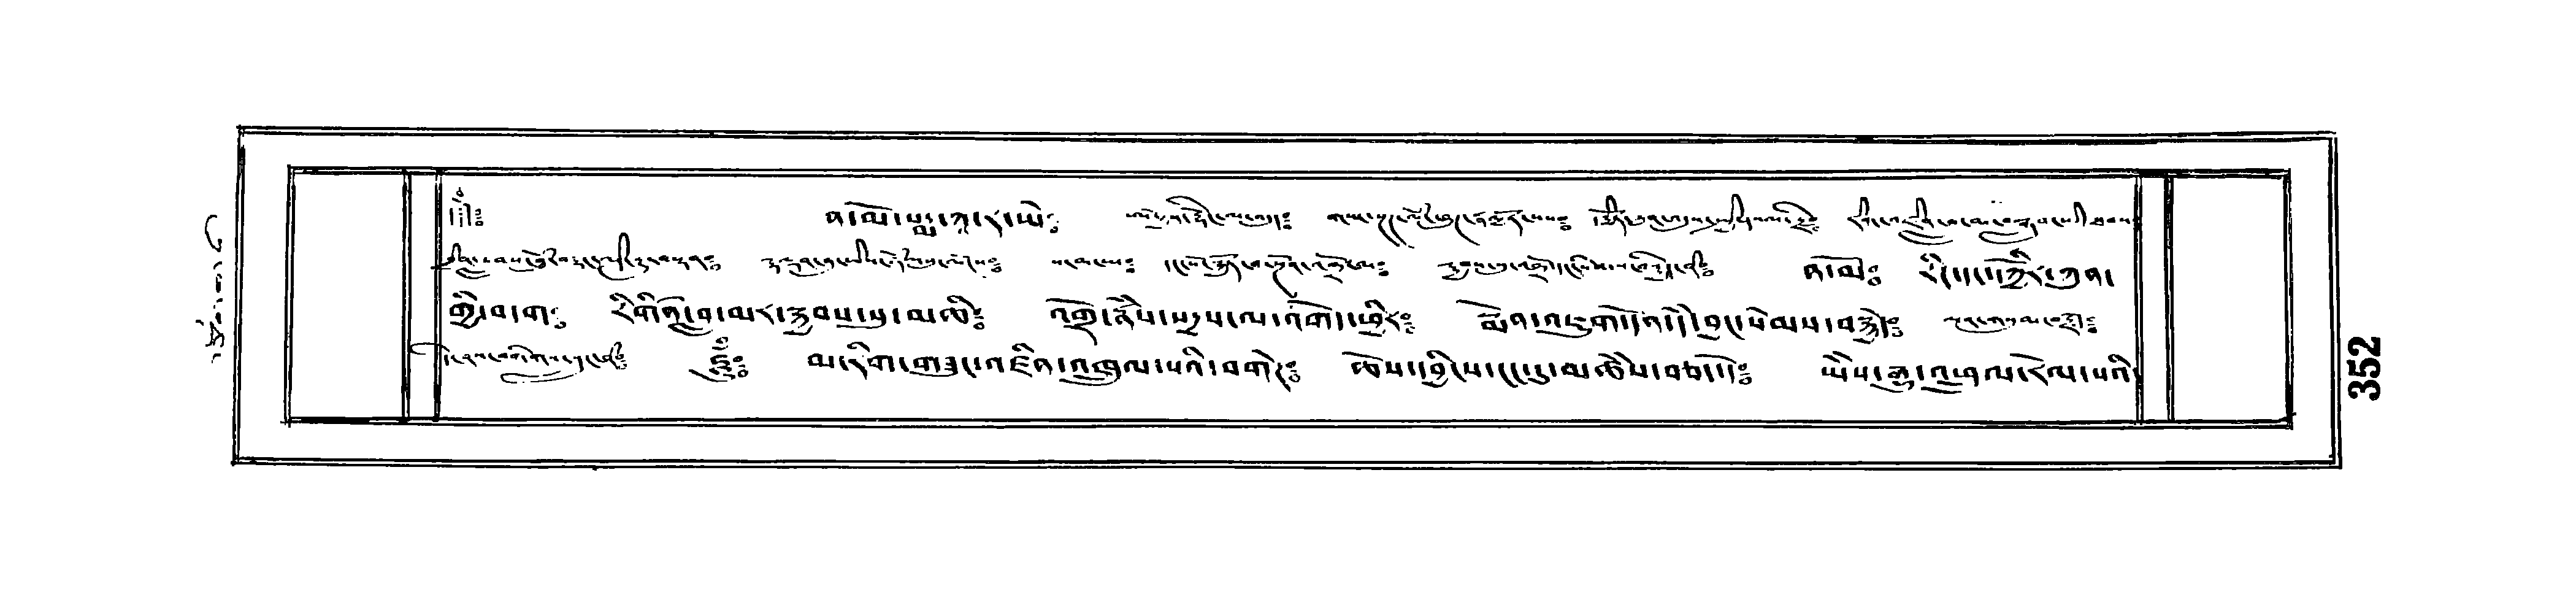ན་མོ་པདྨ་ཀཱ་ར་ཡེ༔ ཨོ་རྒྱན་རྡོ་རྗེ་འཆང་ལ་འདུད༔ གསང་སྔགས་ལམ་ཞུགས་རྣལ་འབྱོར་པས༔ དཀྱིལ་འཁོར་ཀུན་འདུས་སྤྱི་དཔལ་རྗེ༔ རིག་འཛིན་བླ་མ་བསྒྲུབ་པའི་ཐབས༔ 
བྱིན་རླབས་བུམ་བཟང་འདི་རུ་བསྟན༔ སྐལ་ལྡན་བུ་ཡིས་ཉམས་སུ་ལོངས༔ ས་མ་ཡ༔ དང་པོ་སྦྱོར་བ་སྔོན་འགྲོ་ལ༔ སྐྱབས་སུ་འགྲོ་དང་སེམས་བསྐྱེད་ནི༔ ན་མོ༔ རིགས་དང་དཀྱིལ་འཁོར་ཀུན་
གྱི་བདག༔ རིག་འཛིན་བླ་མར་སྐྱབས་སུ་མཆི༔ འགྲོ་རྣམས་སངས་རྒྱས་ལ་འགོད་ཕྱིར༔ སྨོན་འཇུག་དོན་དམ་བྱང་སེམས་བསྐྱེད༔ ལན་གསུམ་བརྗོད༔ 
དེ་ནས་བགེགས་སྲུང་ནི༔ ཧཱུྃཿ མ་རིག་གཟུང་འཛིན་འཁྲུལ་པའི་བགེགས༔ ཆོས་དབྱིངས་ངང་དུ་མཚམས་བཅད་དོ༔ ཡེ་ཤེས་སྒྱུ་འཕྲུལ་རོལ་པའི་